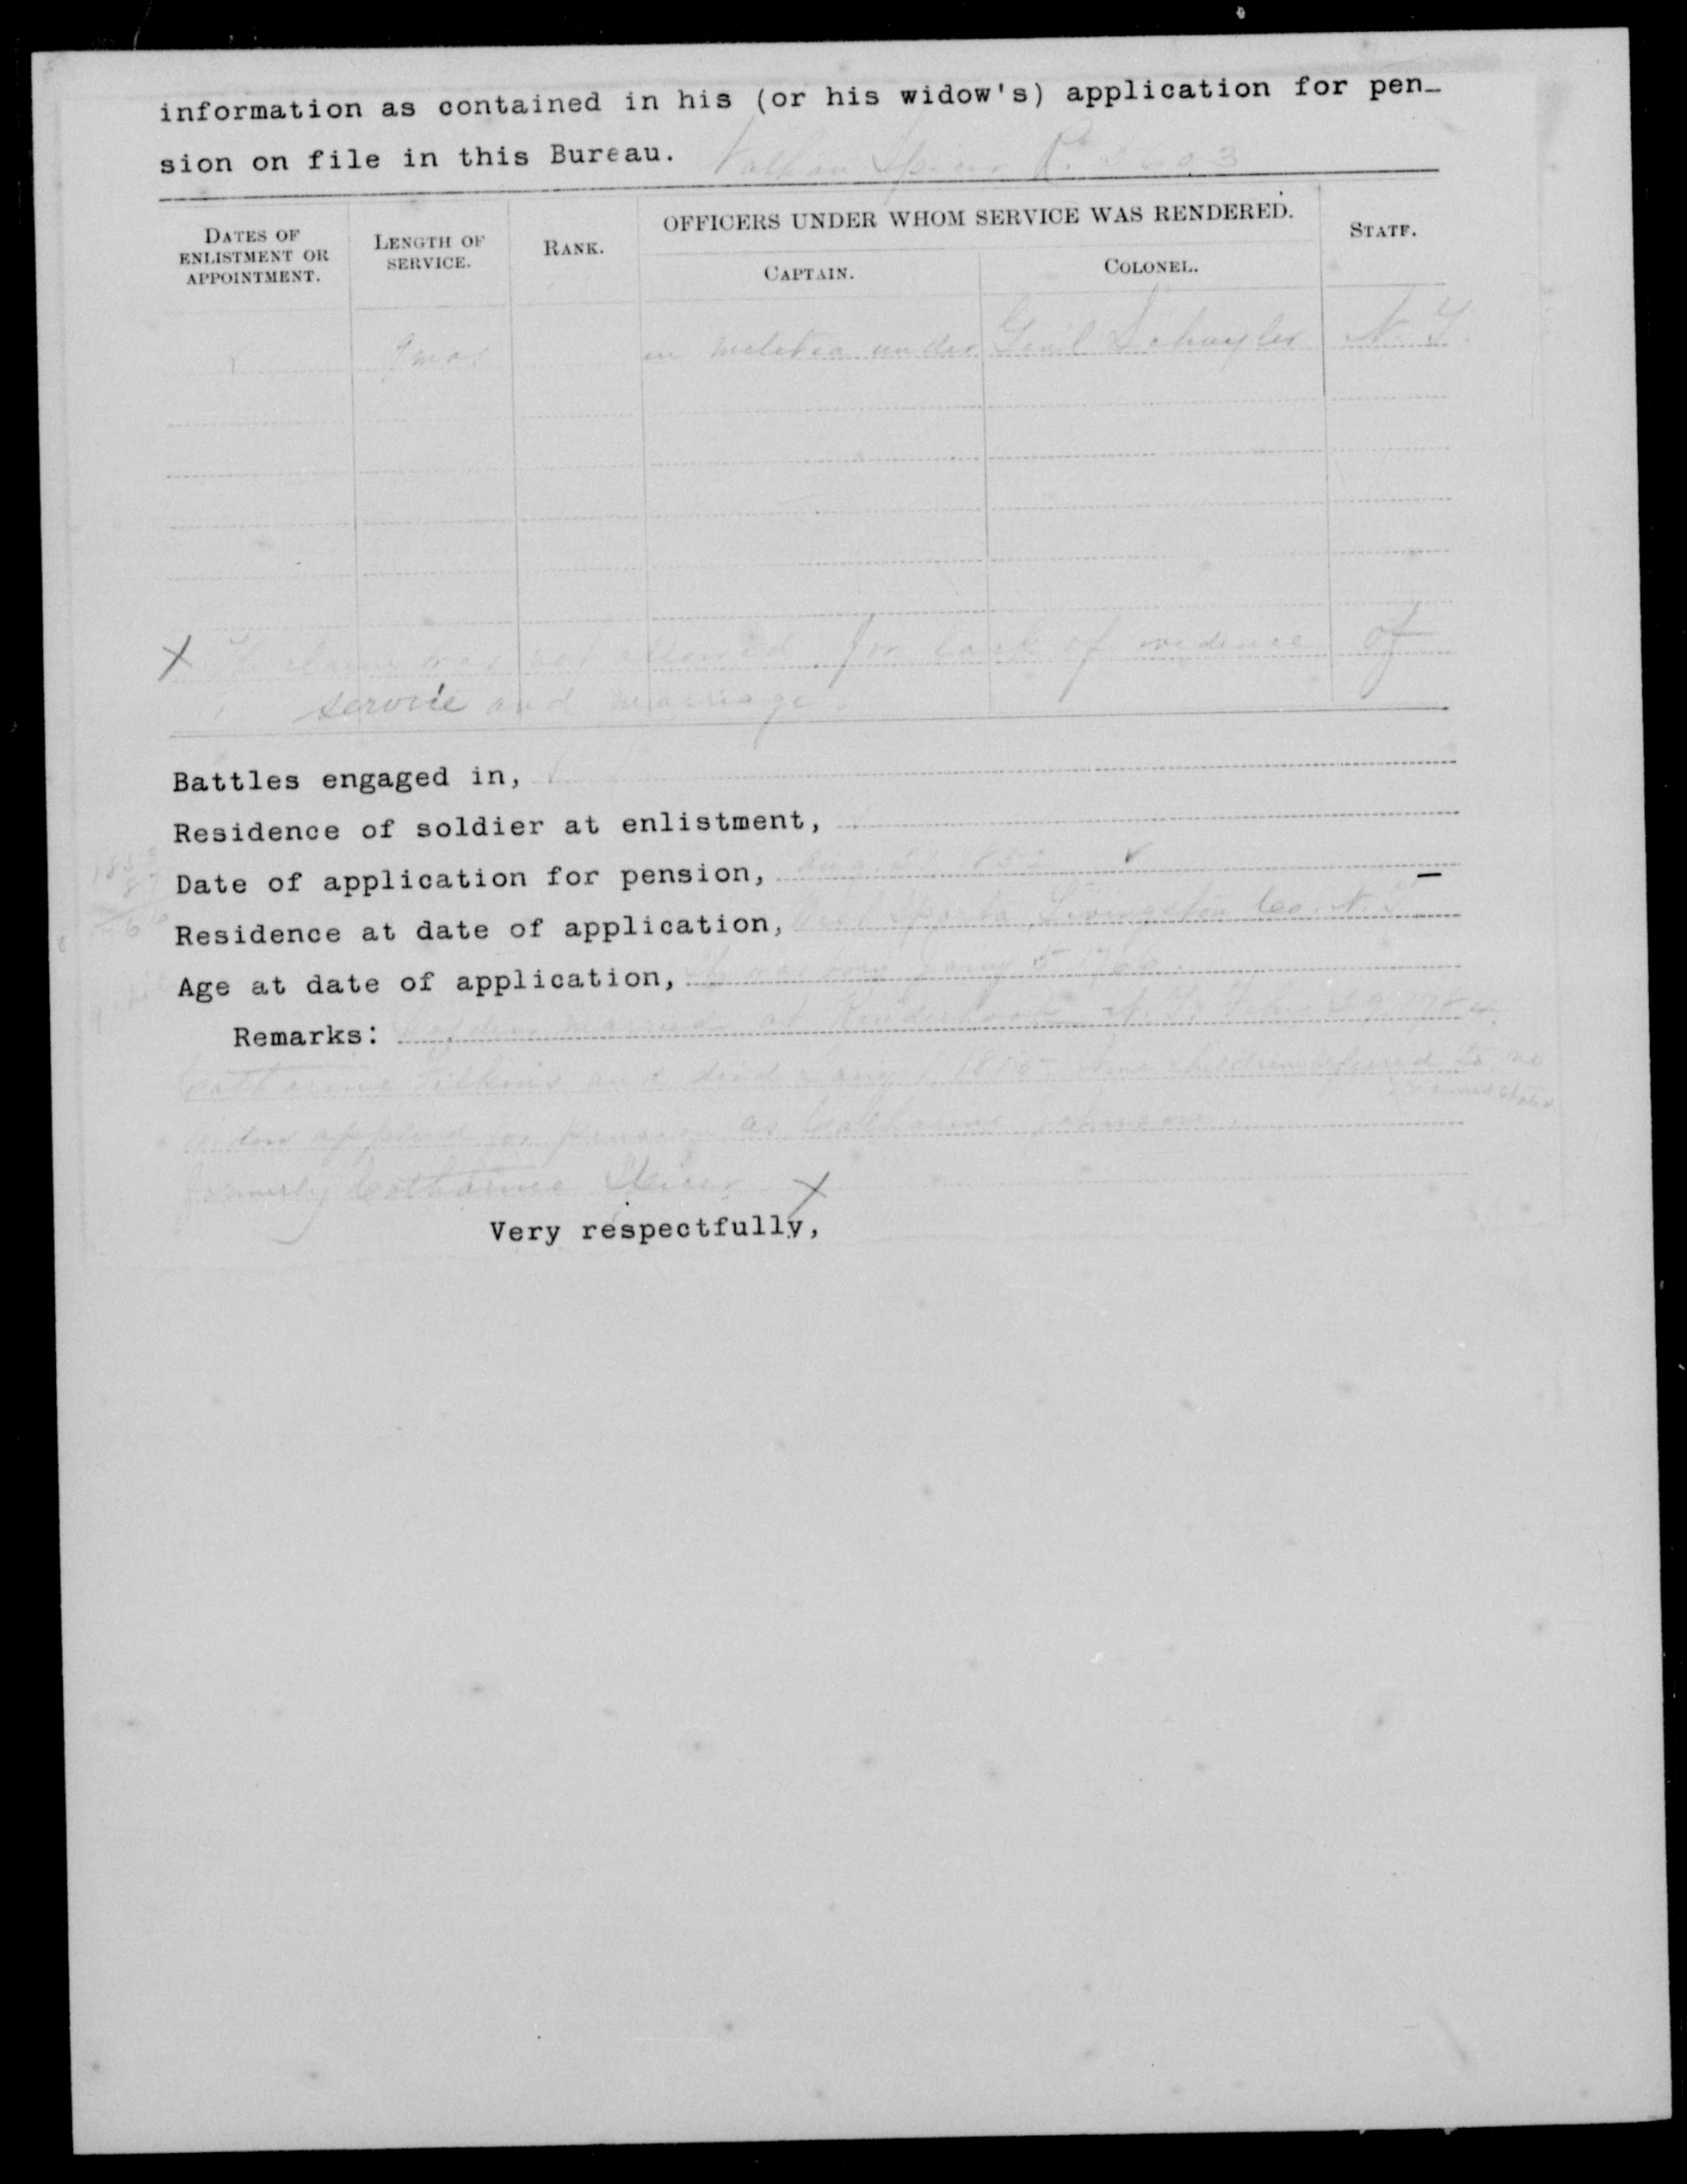information as contained in his (or his widow's) application for pension on file in this Bureau. Nathan Spicer R. 5603
Dates of Enlistment or Appoinemtn. [illegible]
Length of Service. 9 mos.
Rank.
Officers under whom Service was Rendered. 
Captain. in Militia under Genl Schuyler
State. N.Y.

*The claim was not allowed for lack of evidence of service and marriage.

Battles engaged in, [illegible]
Residence of soldier at enlistment. [illegible]
Date of Application for pension, August [illegible]
Residence at date of application, West Sparta, Livington, Co. N.Y.
Age at date of application, she was born January 5, 1766
Remarks: Soldier married at Kinderhoss N.Y. Feby 29, 1784. Catharine Filkins and died Jany 1, 1815. Nine children  referred to, no names stated. Widow applied for pension as Catharine Johnson, formerly Catharine Spicer.
Very respectfully,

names: Catharine Johnson; Nathan Spicer; Gail Schuyler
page: 6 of 33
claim: rejected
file: R. 5603, for Nathan Spicer, New York